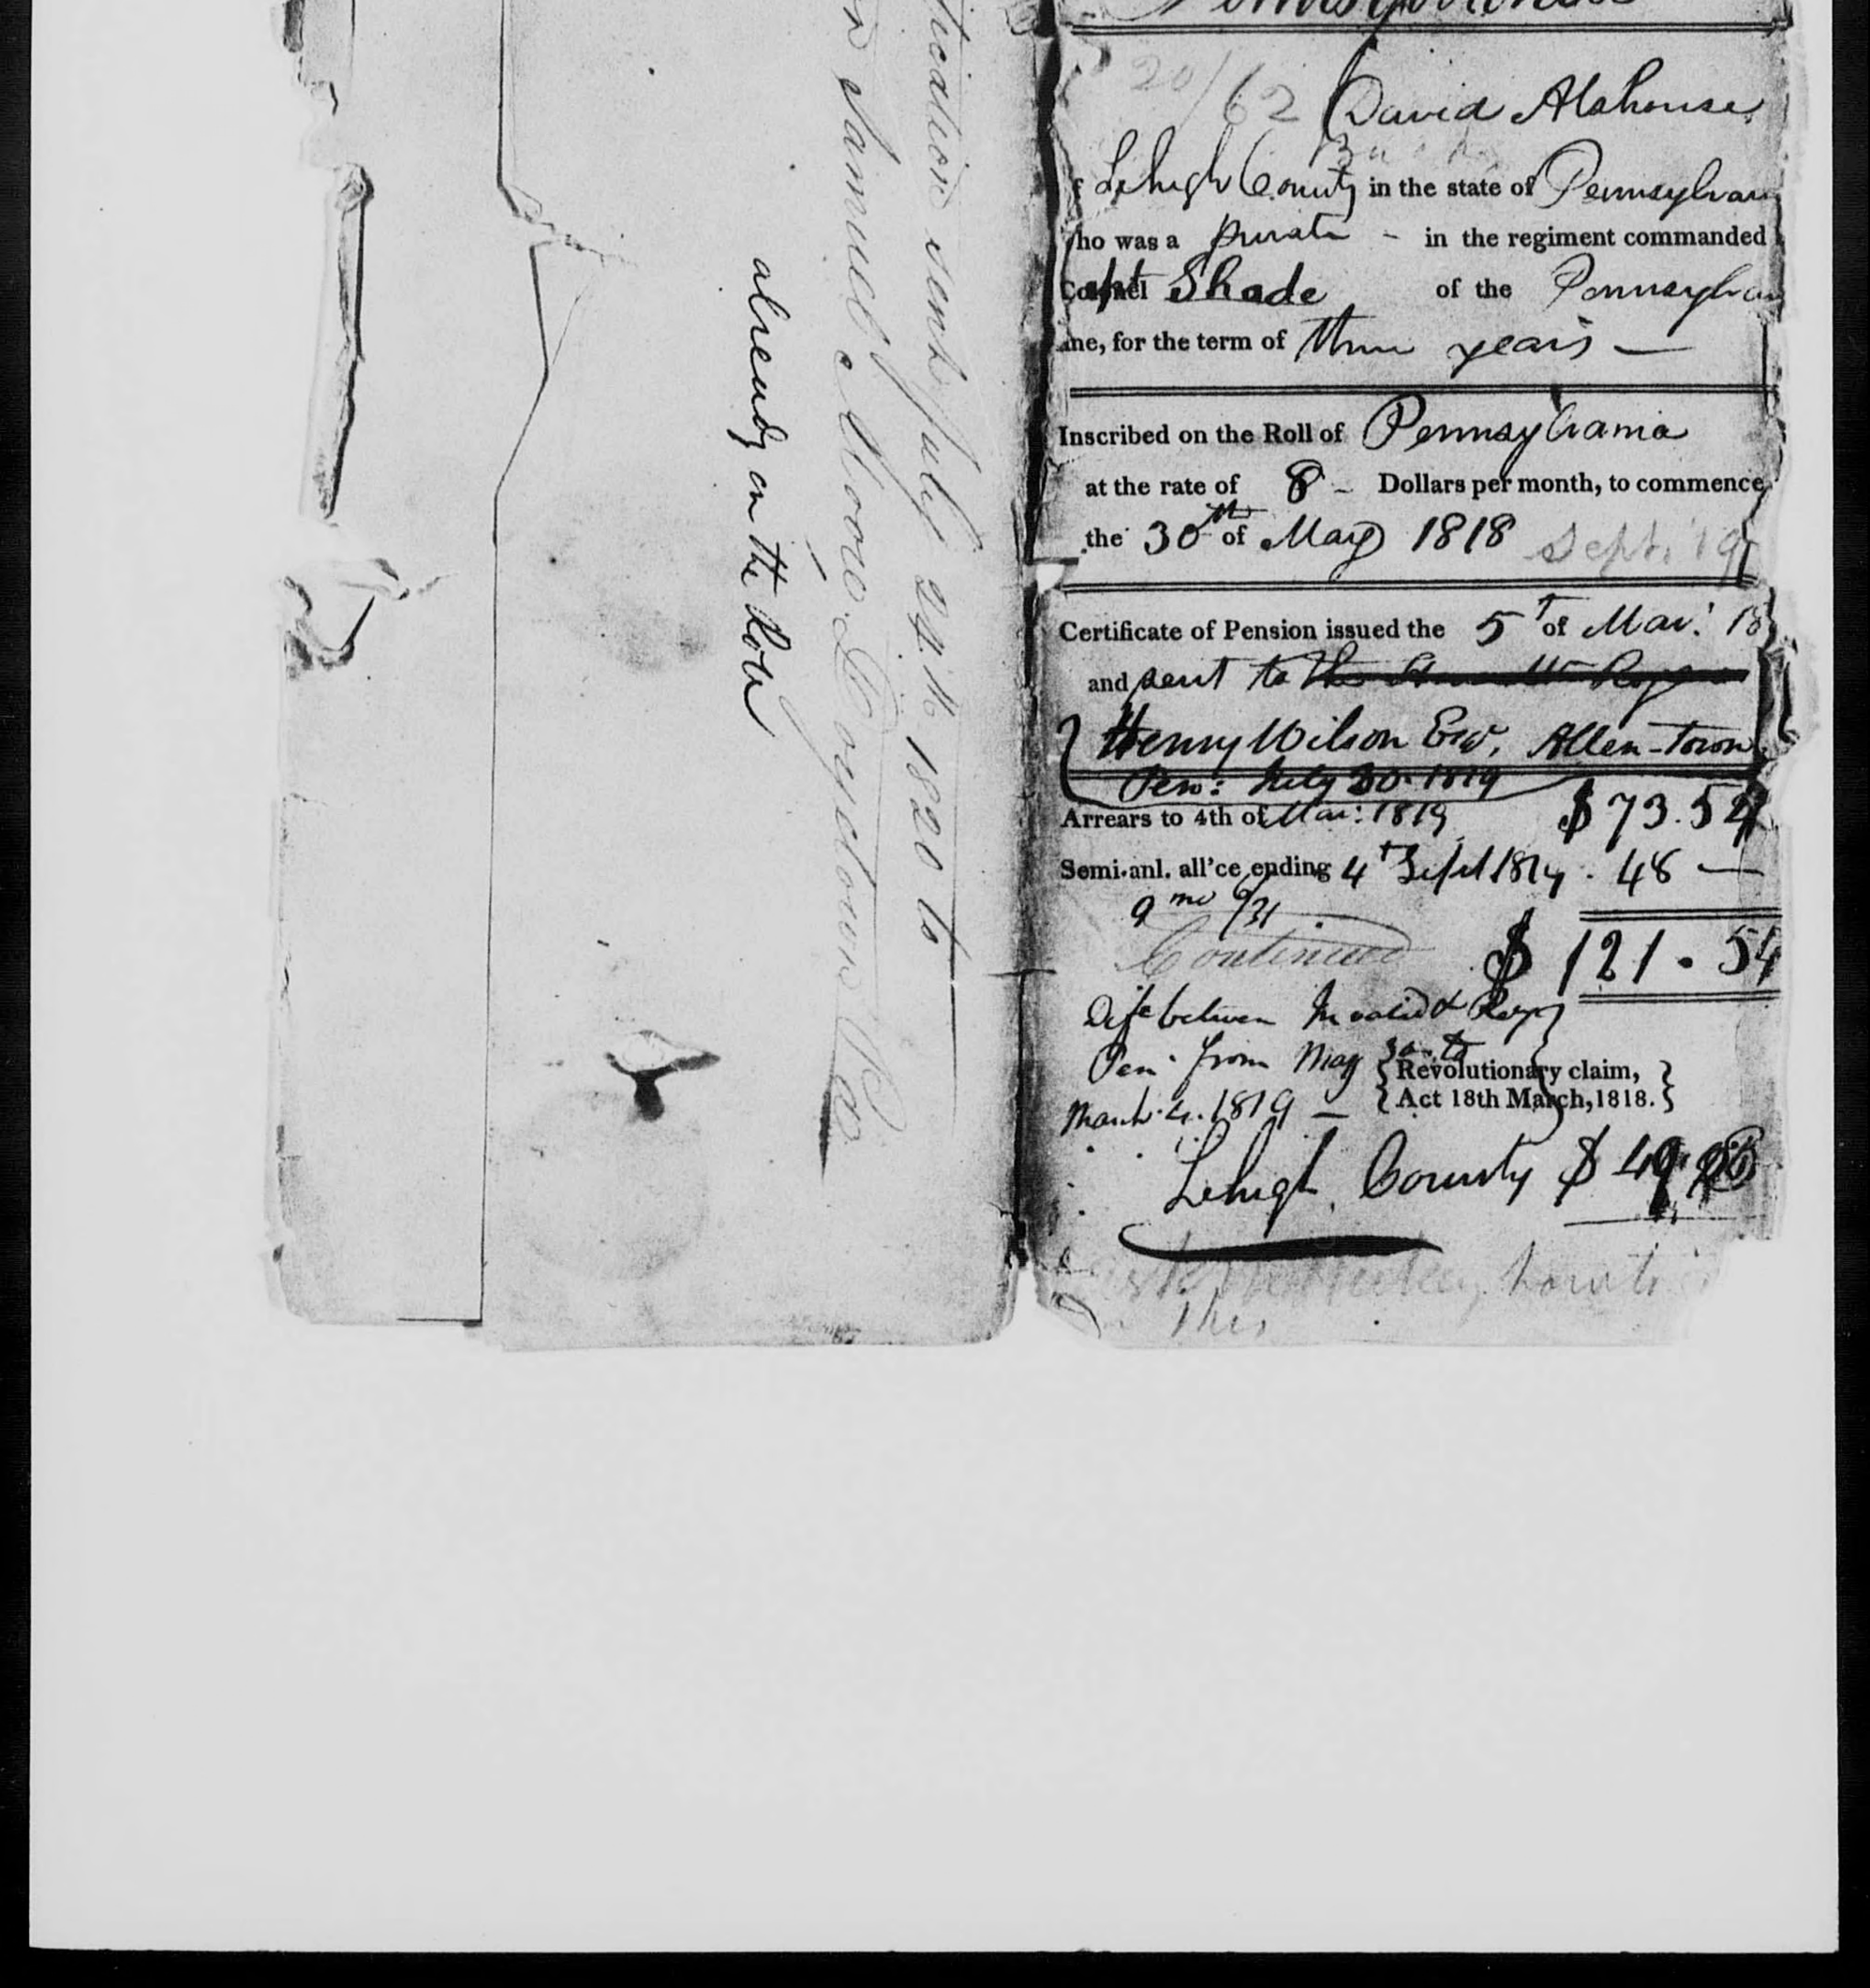[handwriting sideways in left-hand margin]

Notification sent July 24 No. 1820 to
Hon Samuel Moore Boyertown [?] Pa
already on the roll

[right-hand side of page] [top cut off]
Pennsylvania
------------------------
20/62 David Alshouse
of Lehigh County in the State of Pennsylvania
who was a private in the regiment commanded
by Capt Shade of the Pennsylvania
line, for the term of three years--
-------------------------
Inscribed on the Roll of Pennsylvania
at the rate of 8 - Dollars per month, to commence the 30th of May 1818 [Sept. 19]
--------------------------
Certificate of Pensions issued the 5th of Mar. 18 [year cut off] [most likely 1819]
and sent to Henry Wilson Esq. Allen-town
Pen:  July 30, 1879
--------------------------
Arrears to 4th of Mar: 1819  $73.54
Semi-anl. all'ce ending 4th Sept 1819  48--
9 mo 6/31   $121.54 [double underlined]

Continued

Dife [difference] between Invalid & Revy
Pen from May onto March 4 1819
Lehigh County $49. [rest of amount illegible]

{Revolutionary Claim,  }
{Act 18th March, 1818.}

[illegible handwriting at bottom of page]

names: Samuel Moore, Henry Wilson, David Alshouse, Shade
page: 3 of 17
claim: survivor's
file: S. 39928, David Alshouse, Penn.